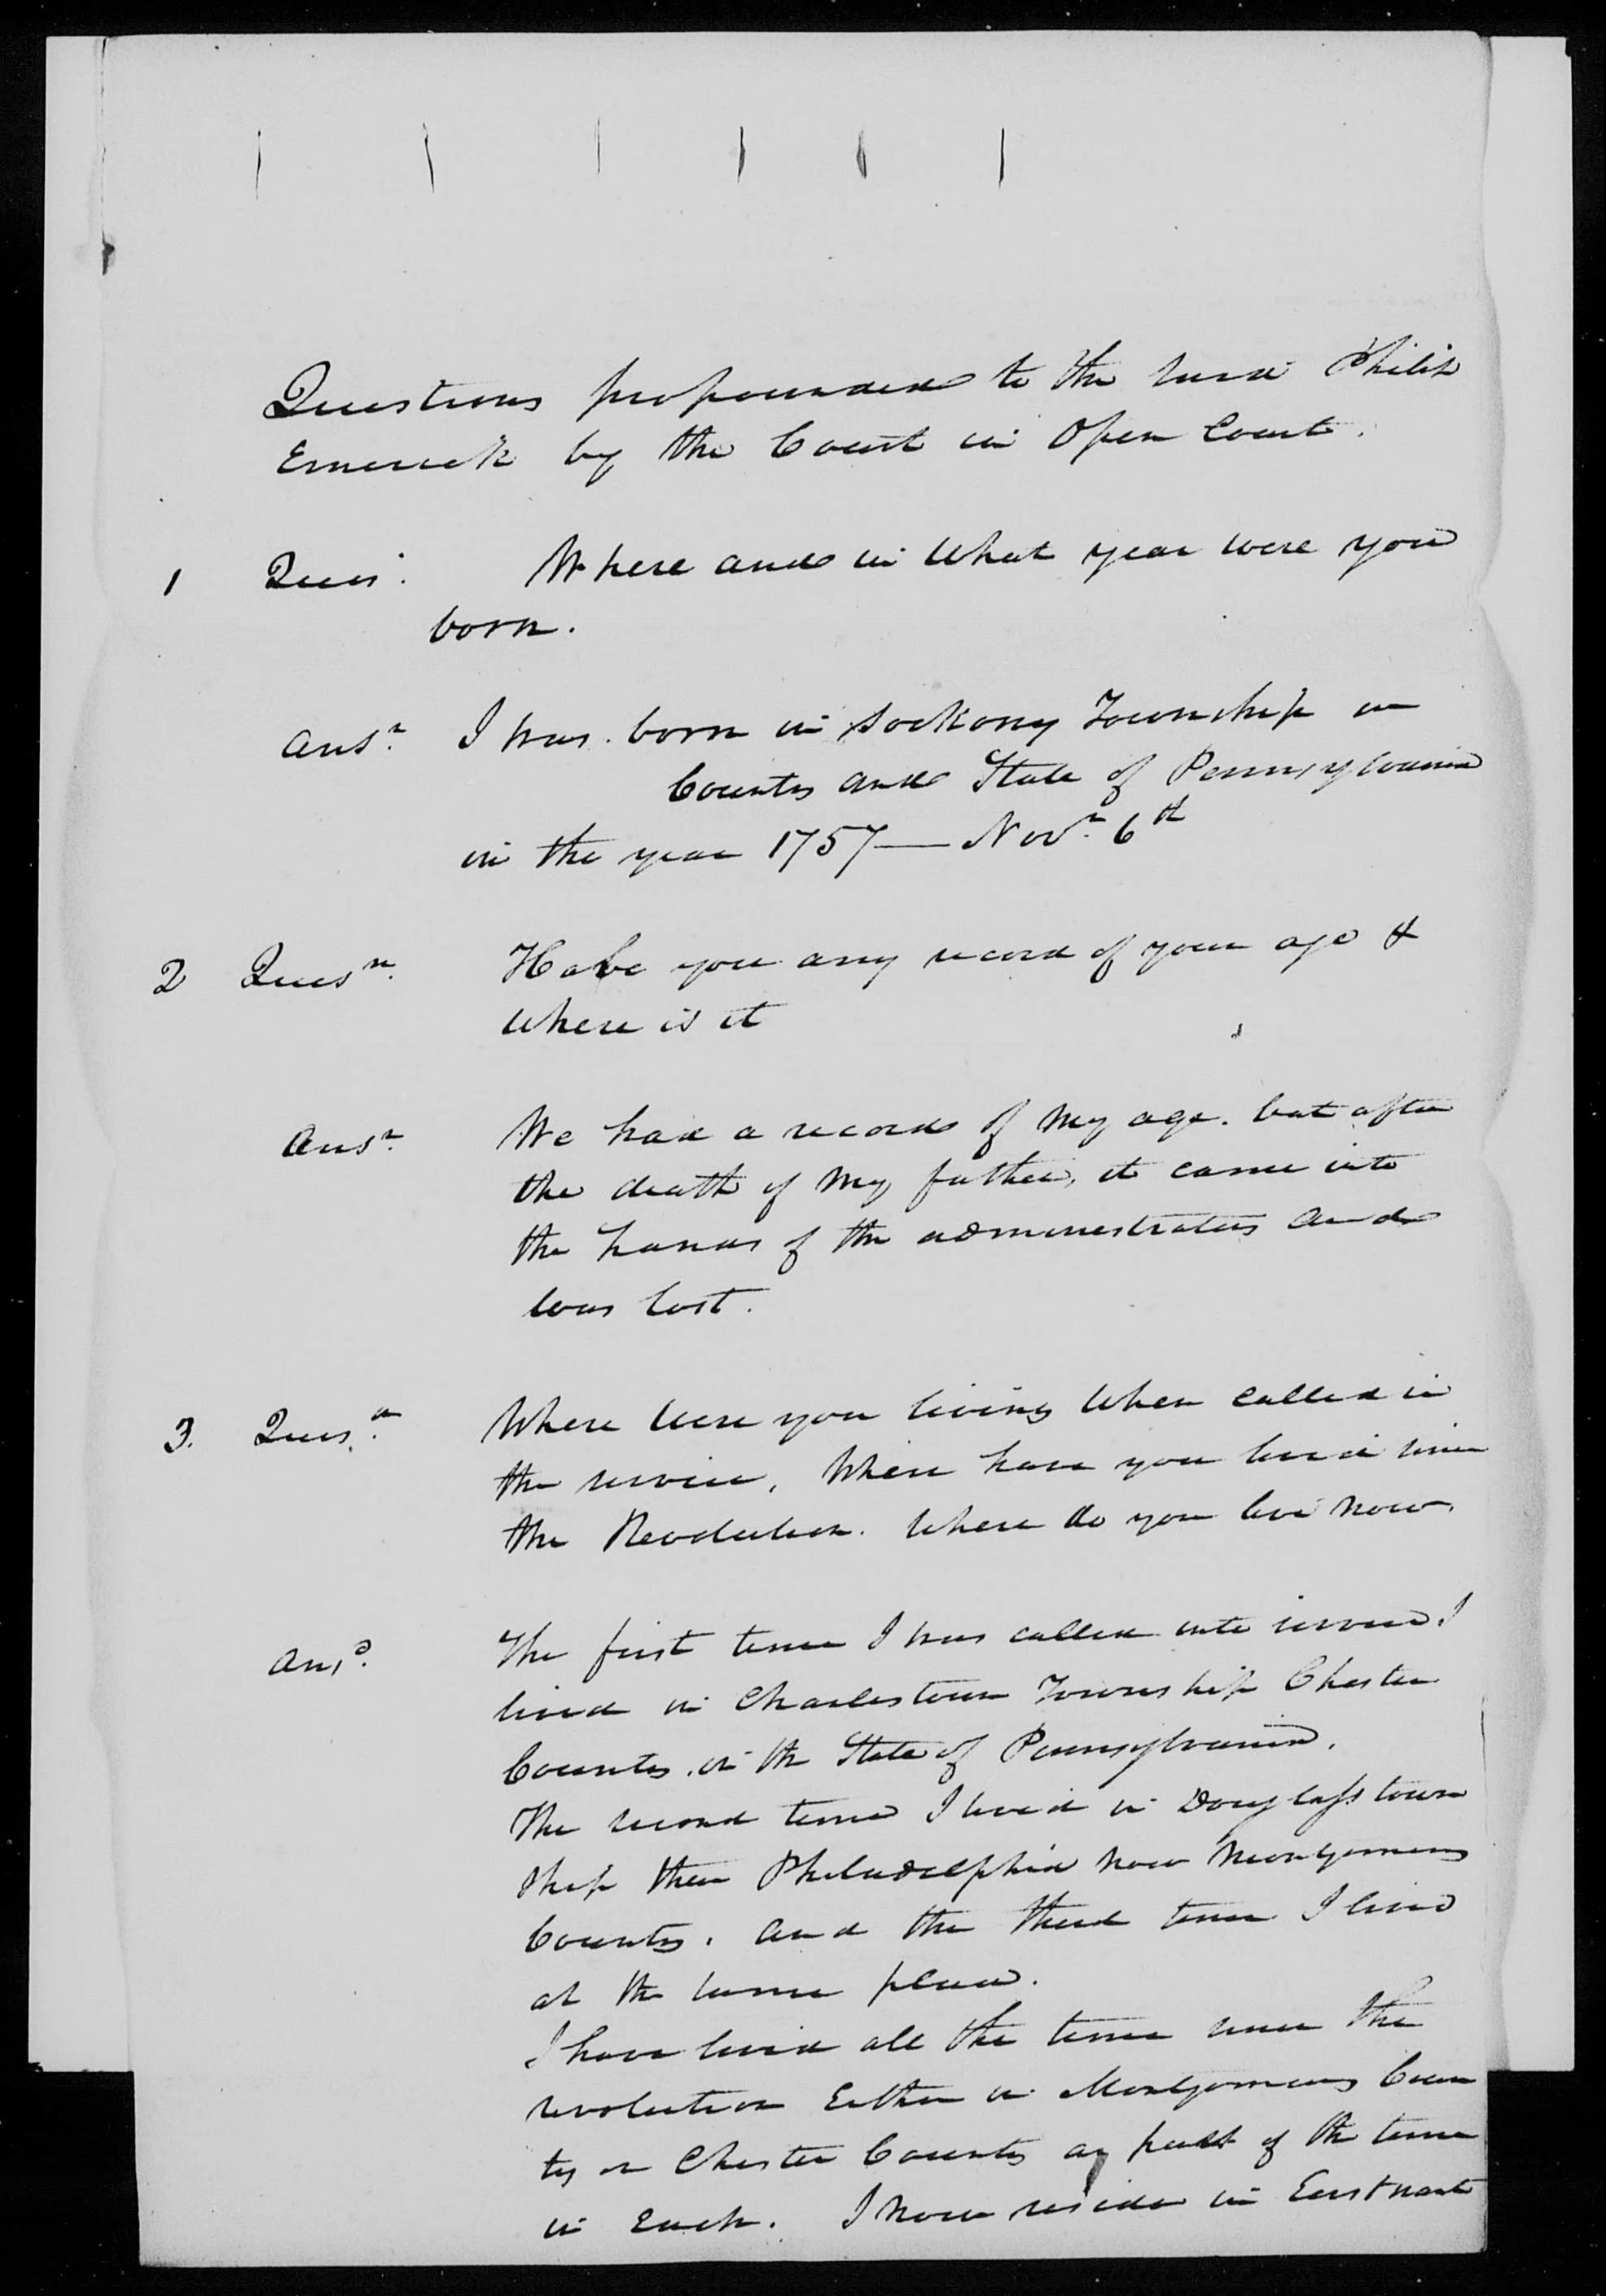Questions propounded to the said Philip
Emerick by the Court in open Court.

1. Ques: Where and in what year were you
born.

Ans I was born in Sockony Township in
County and State of Pennsylvania
in the year 1757 - Novr 6th

2.  Quesn: Have you any record of your age &
where is it

Ansr. We had a record of my age, but after
the death of my father, it came into
the hands of the administrators and
was lost.

3. Quesn  Where were you living when called in
the service. Where have you lived since
the Revolution, where do you live now.

Ans:  The first time I was called into service I 
lived in Charlestown Township Chester
County in the State of Pennsylvania.
The second time I lived in Douglass township then Philadelphia now Montgomery
County. And the third time I lived at the same place.
I have lived all the time since the
revolution either in Montgomery County or Chester County as part of the time
in each. I now reside in East Nant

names: Philip Emerick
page: 10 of 29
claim: survivor's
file: S. 23618, Philip Emerick, Penn.